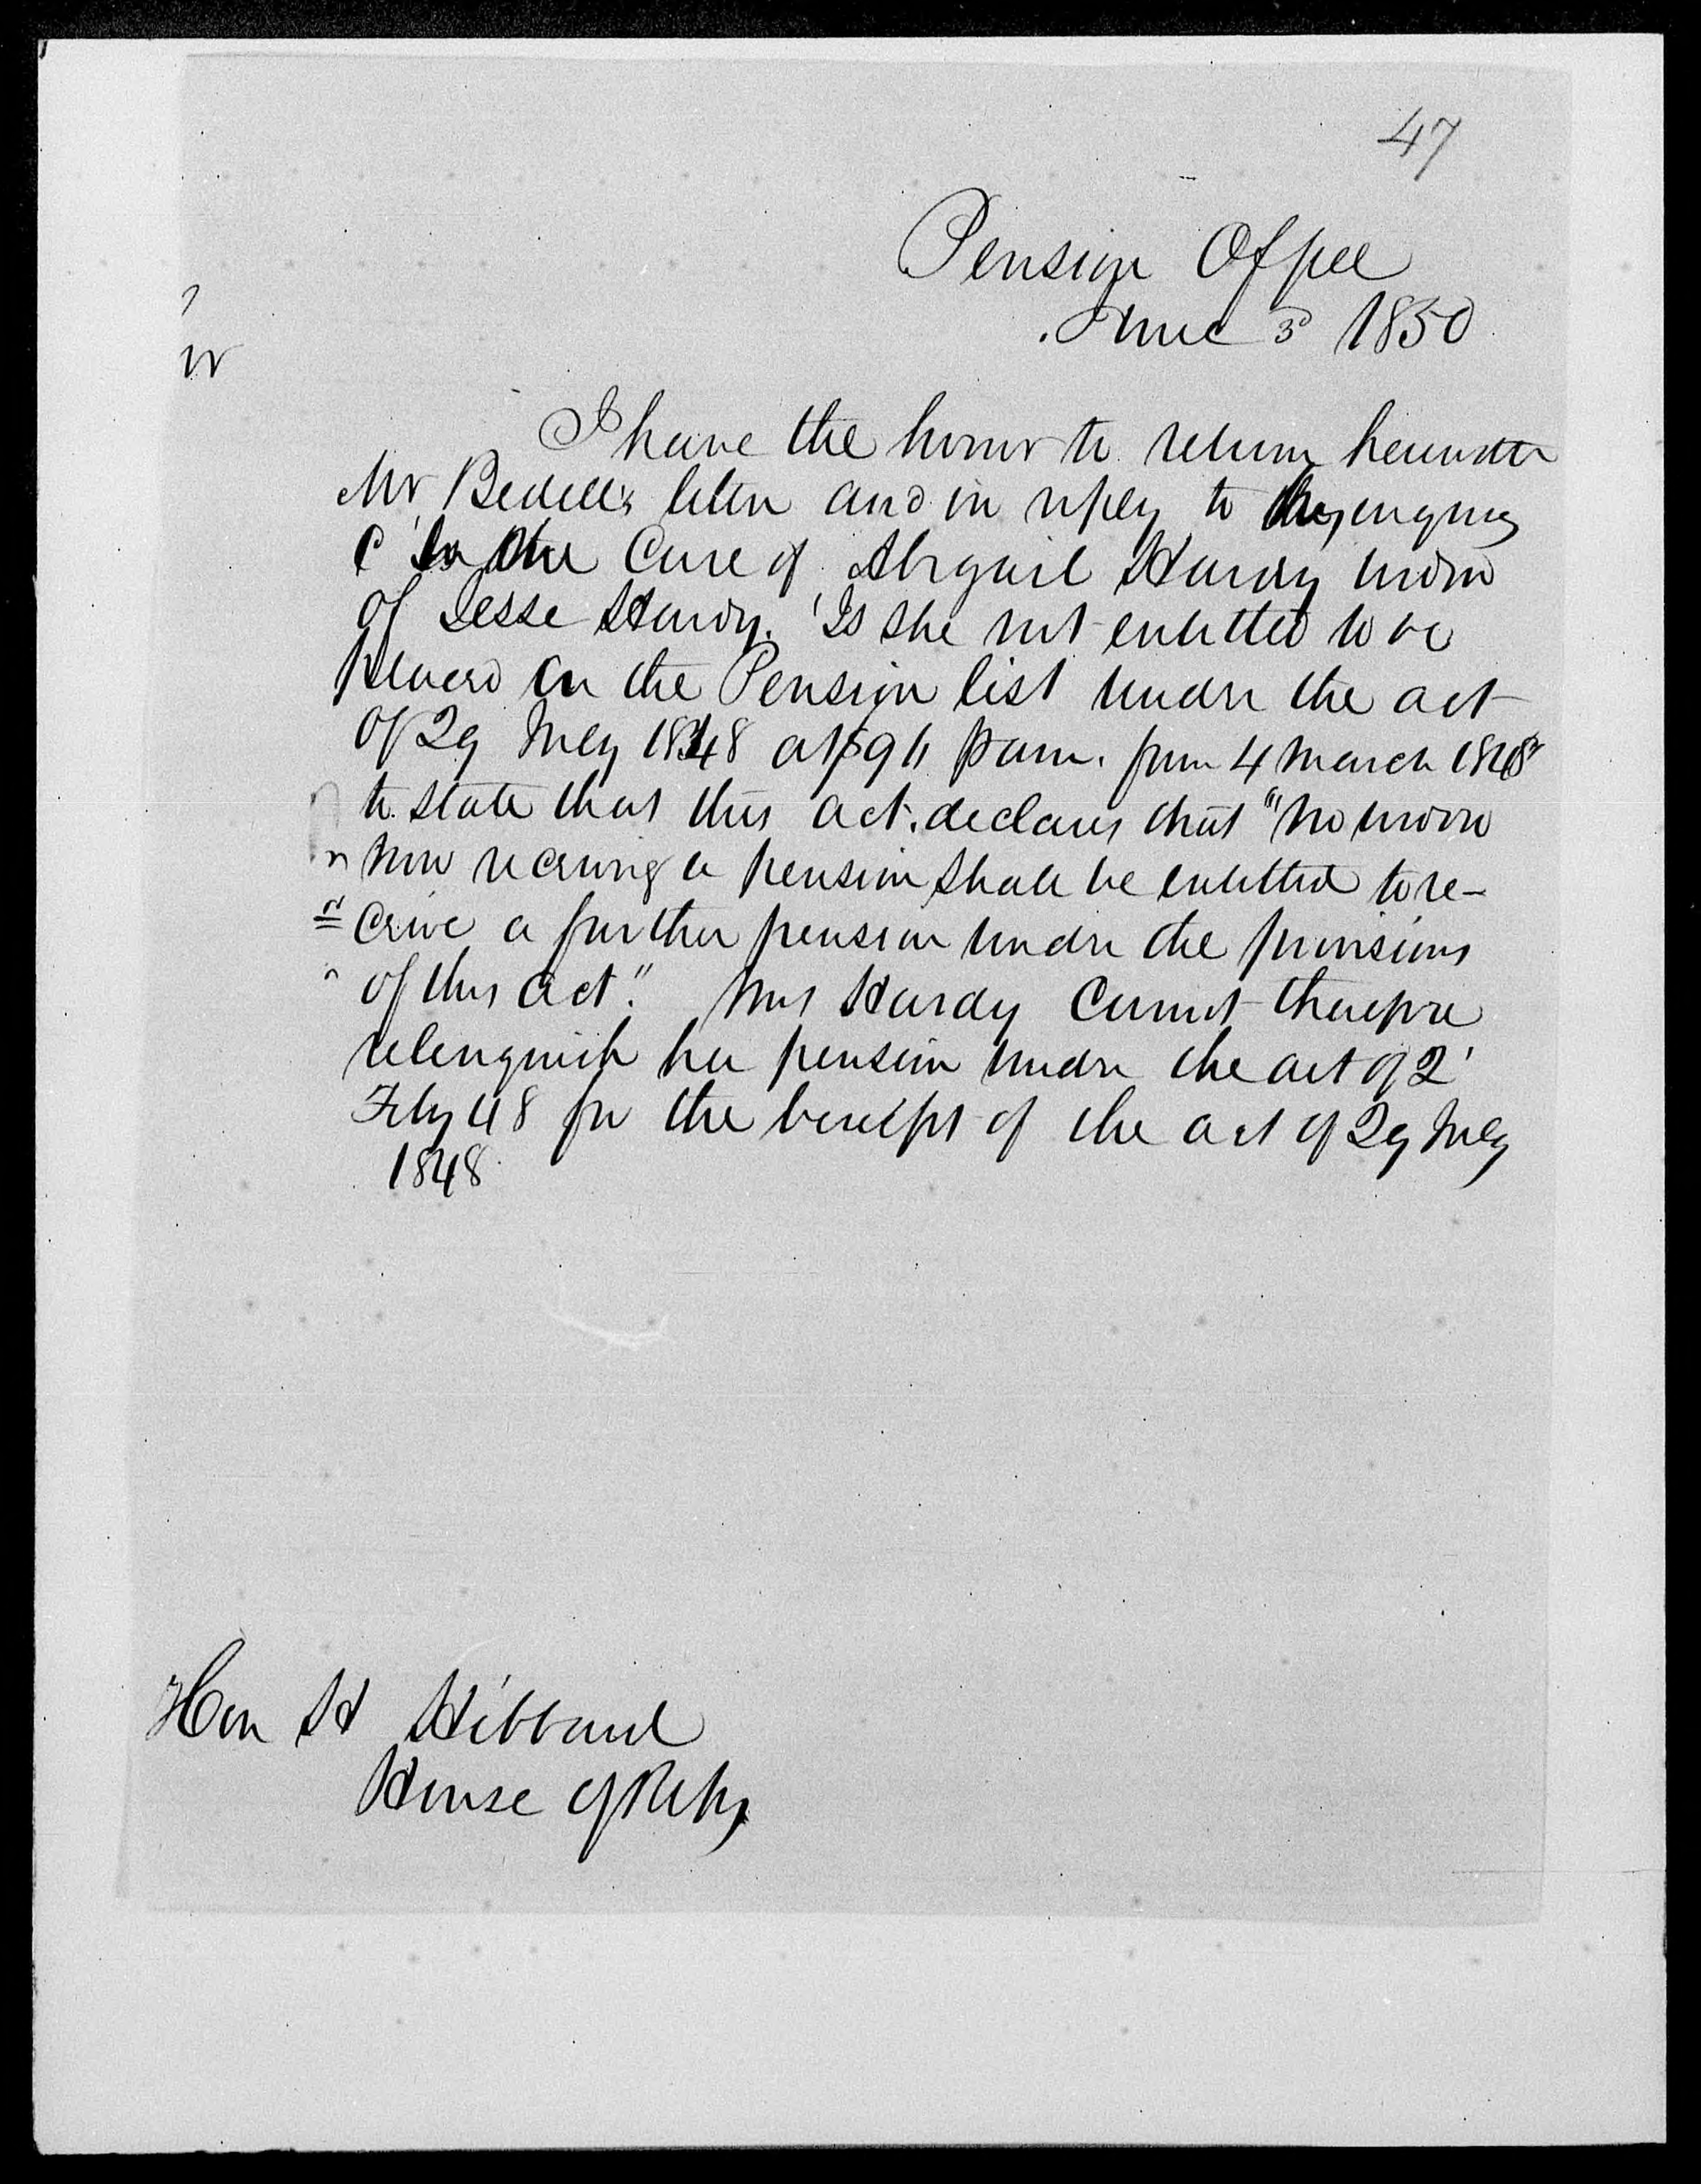47 Pension Office June 3d 1850 
I have the honor to return herewith Mr. Bedell's letter and in reply to the inquiry and for the case of Abigail Hardy widow of Jesse Hardy.  is she not entitled to placed on the Pension list under the act of 29 July 1848 at $96 p um, from 4 March 1848 to state that this act, declares that "no widow now receiving a pension shall be entitled to receive a further pension under the provisions of this act, May Hardy cannot therefore relinquish her pension under the act of 2 Feby 48 for the benefit of the act of 29 July 1848 Hon H Hibbard House of Reps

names: Bedell, Jesse Hardy, H Hibbard, Hardy, Abigail Hardy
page: 67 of 67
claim: widow's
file: W. 23183, Jesse Hardy, Mass.